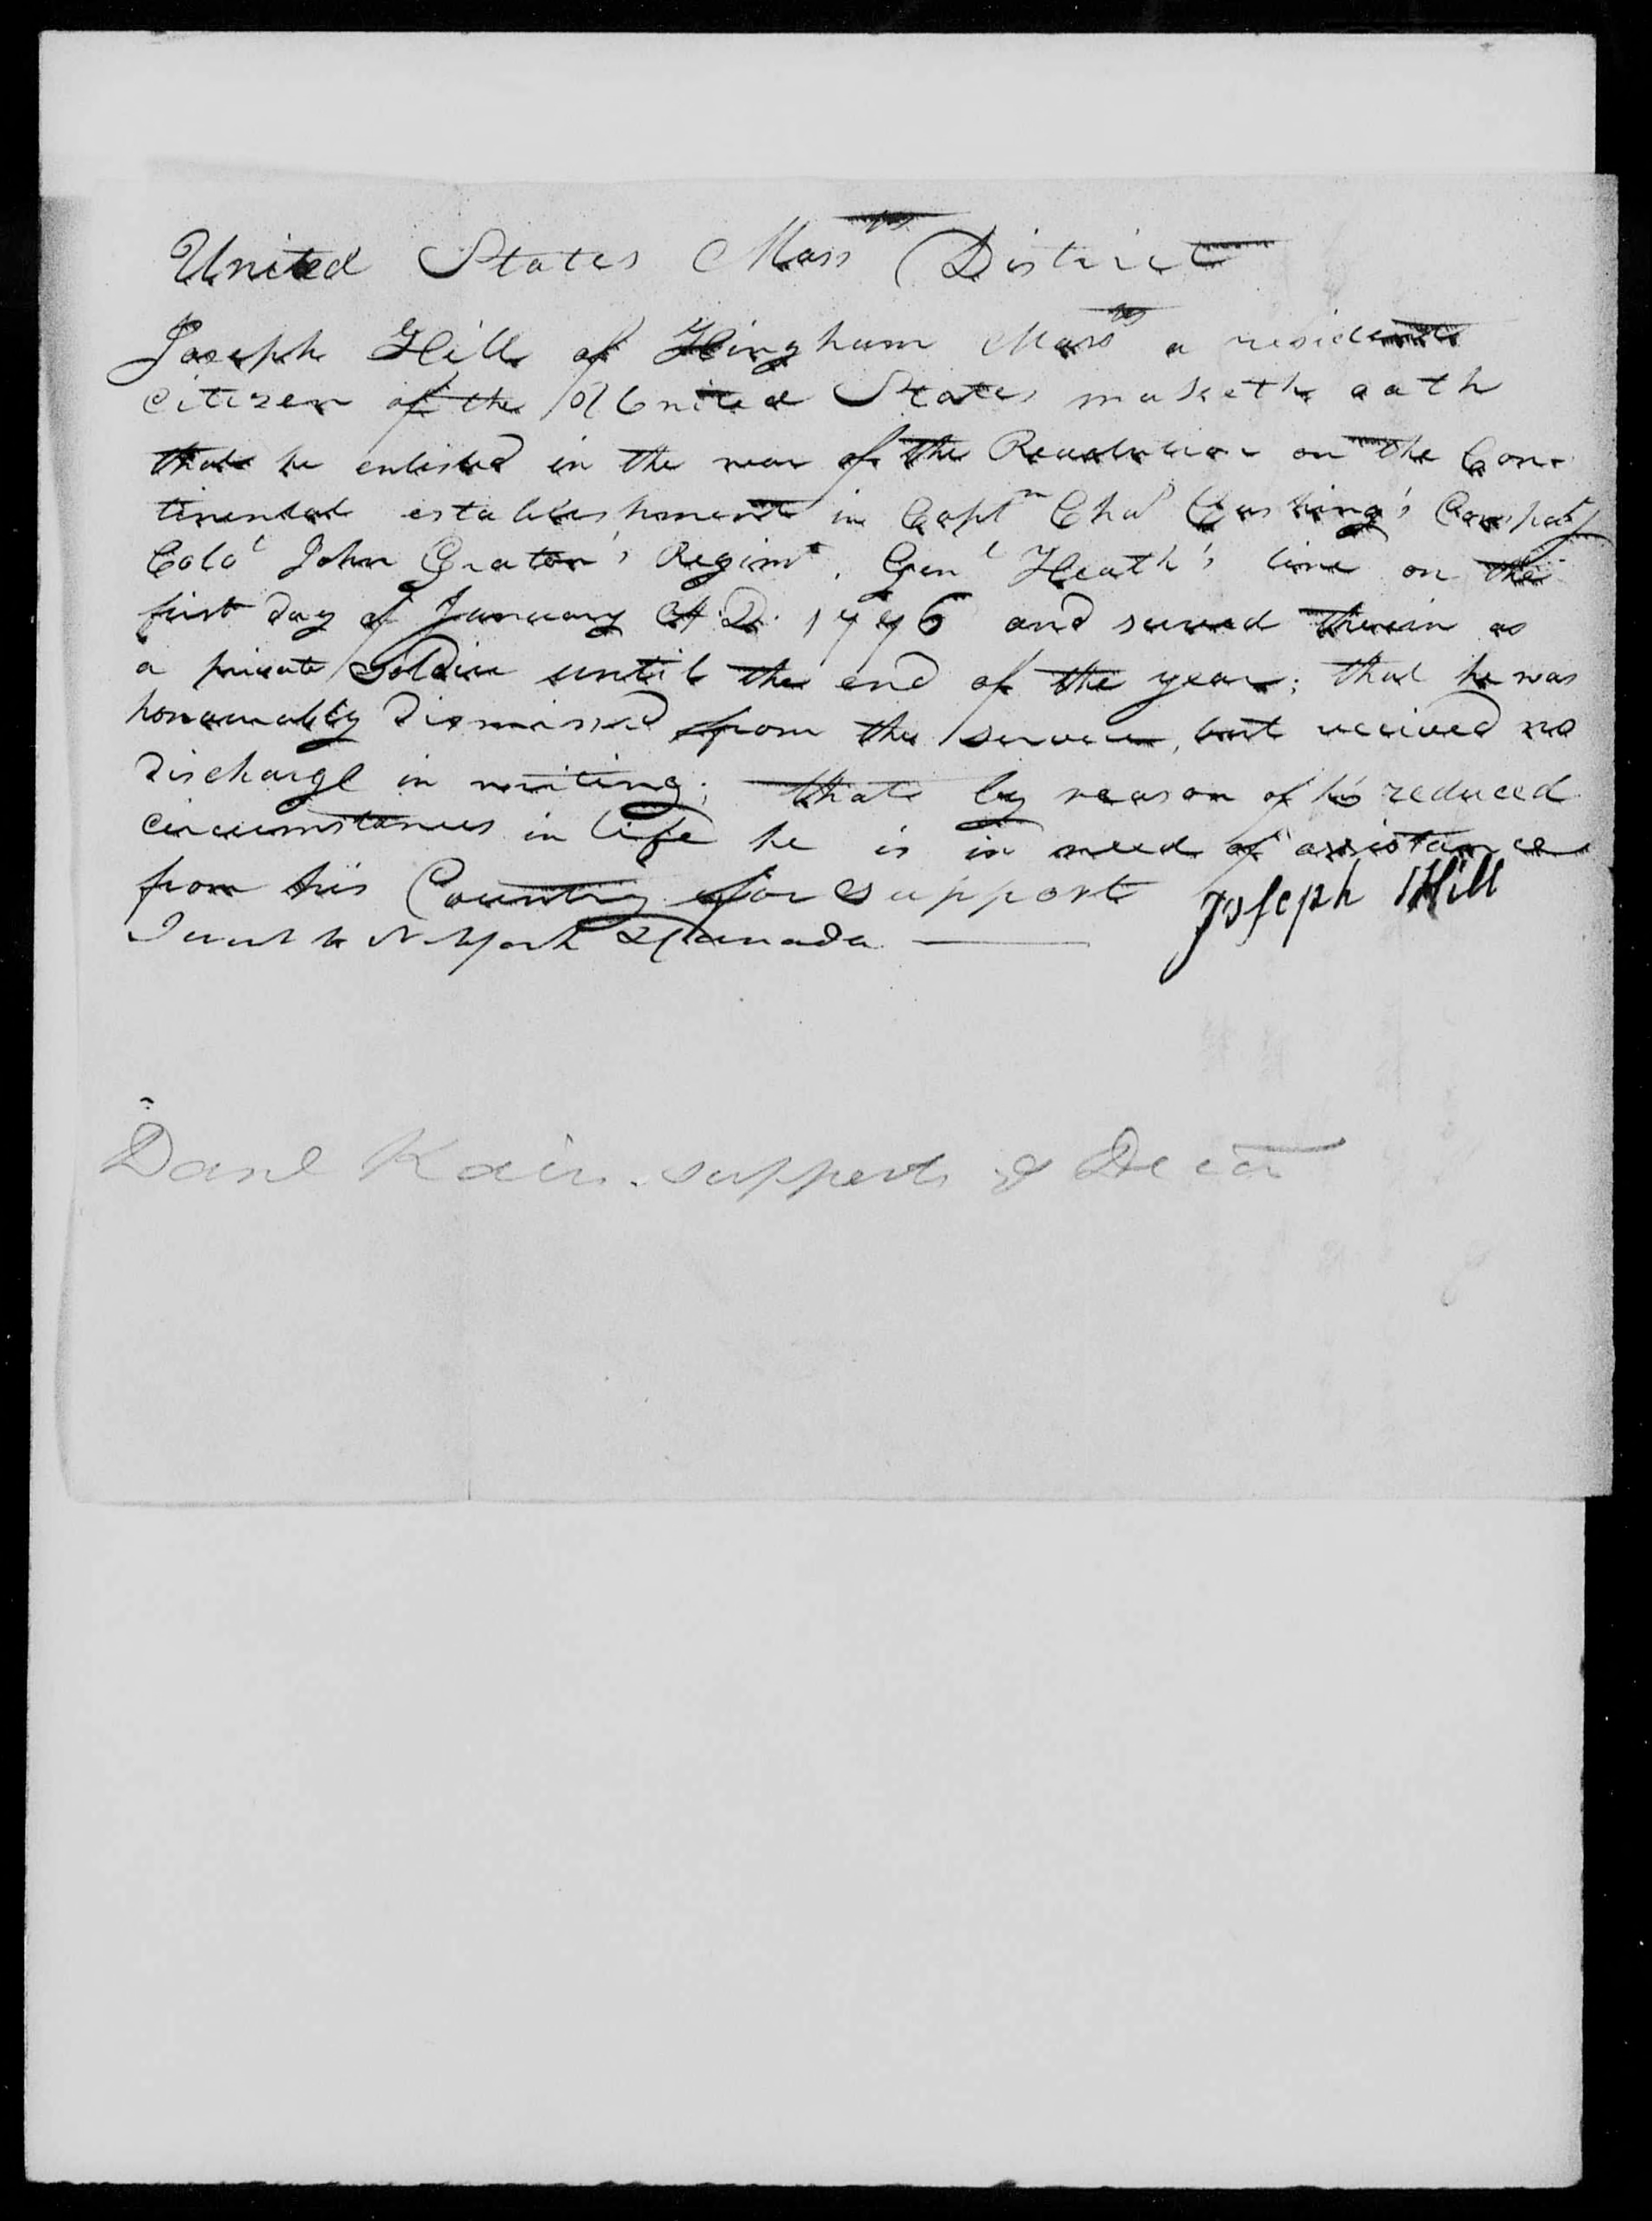United States Mass District

Joseph Hill of Hingham Mass a resident citizen of the United States maketh oath that he enlisted in the year of the Revolution on the Continental establishment in Capt Charles Cushing & Col John Groton Regiment Gen Health;s line on the first day of Hanuary A.D. 1776 and served there as a private soldier until the end of the year; that he was honorably dismissed from the service but receive no discharge in writing; that by reason of reduced circumstances in life he is in need of assistance from his county for support  I went to New York and Canada,

Joseph Hill (signature)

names: Joseph Hill, Danl Kain, Heath, Joseph Hill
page: 4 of 14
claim: survivor's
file: S. 3,3303, Joseph Hill, Continental (Mass.)